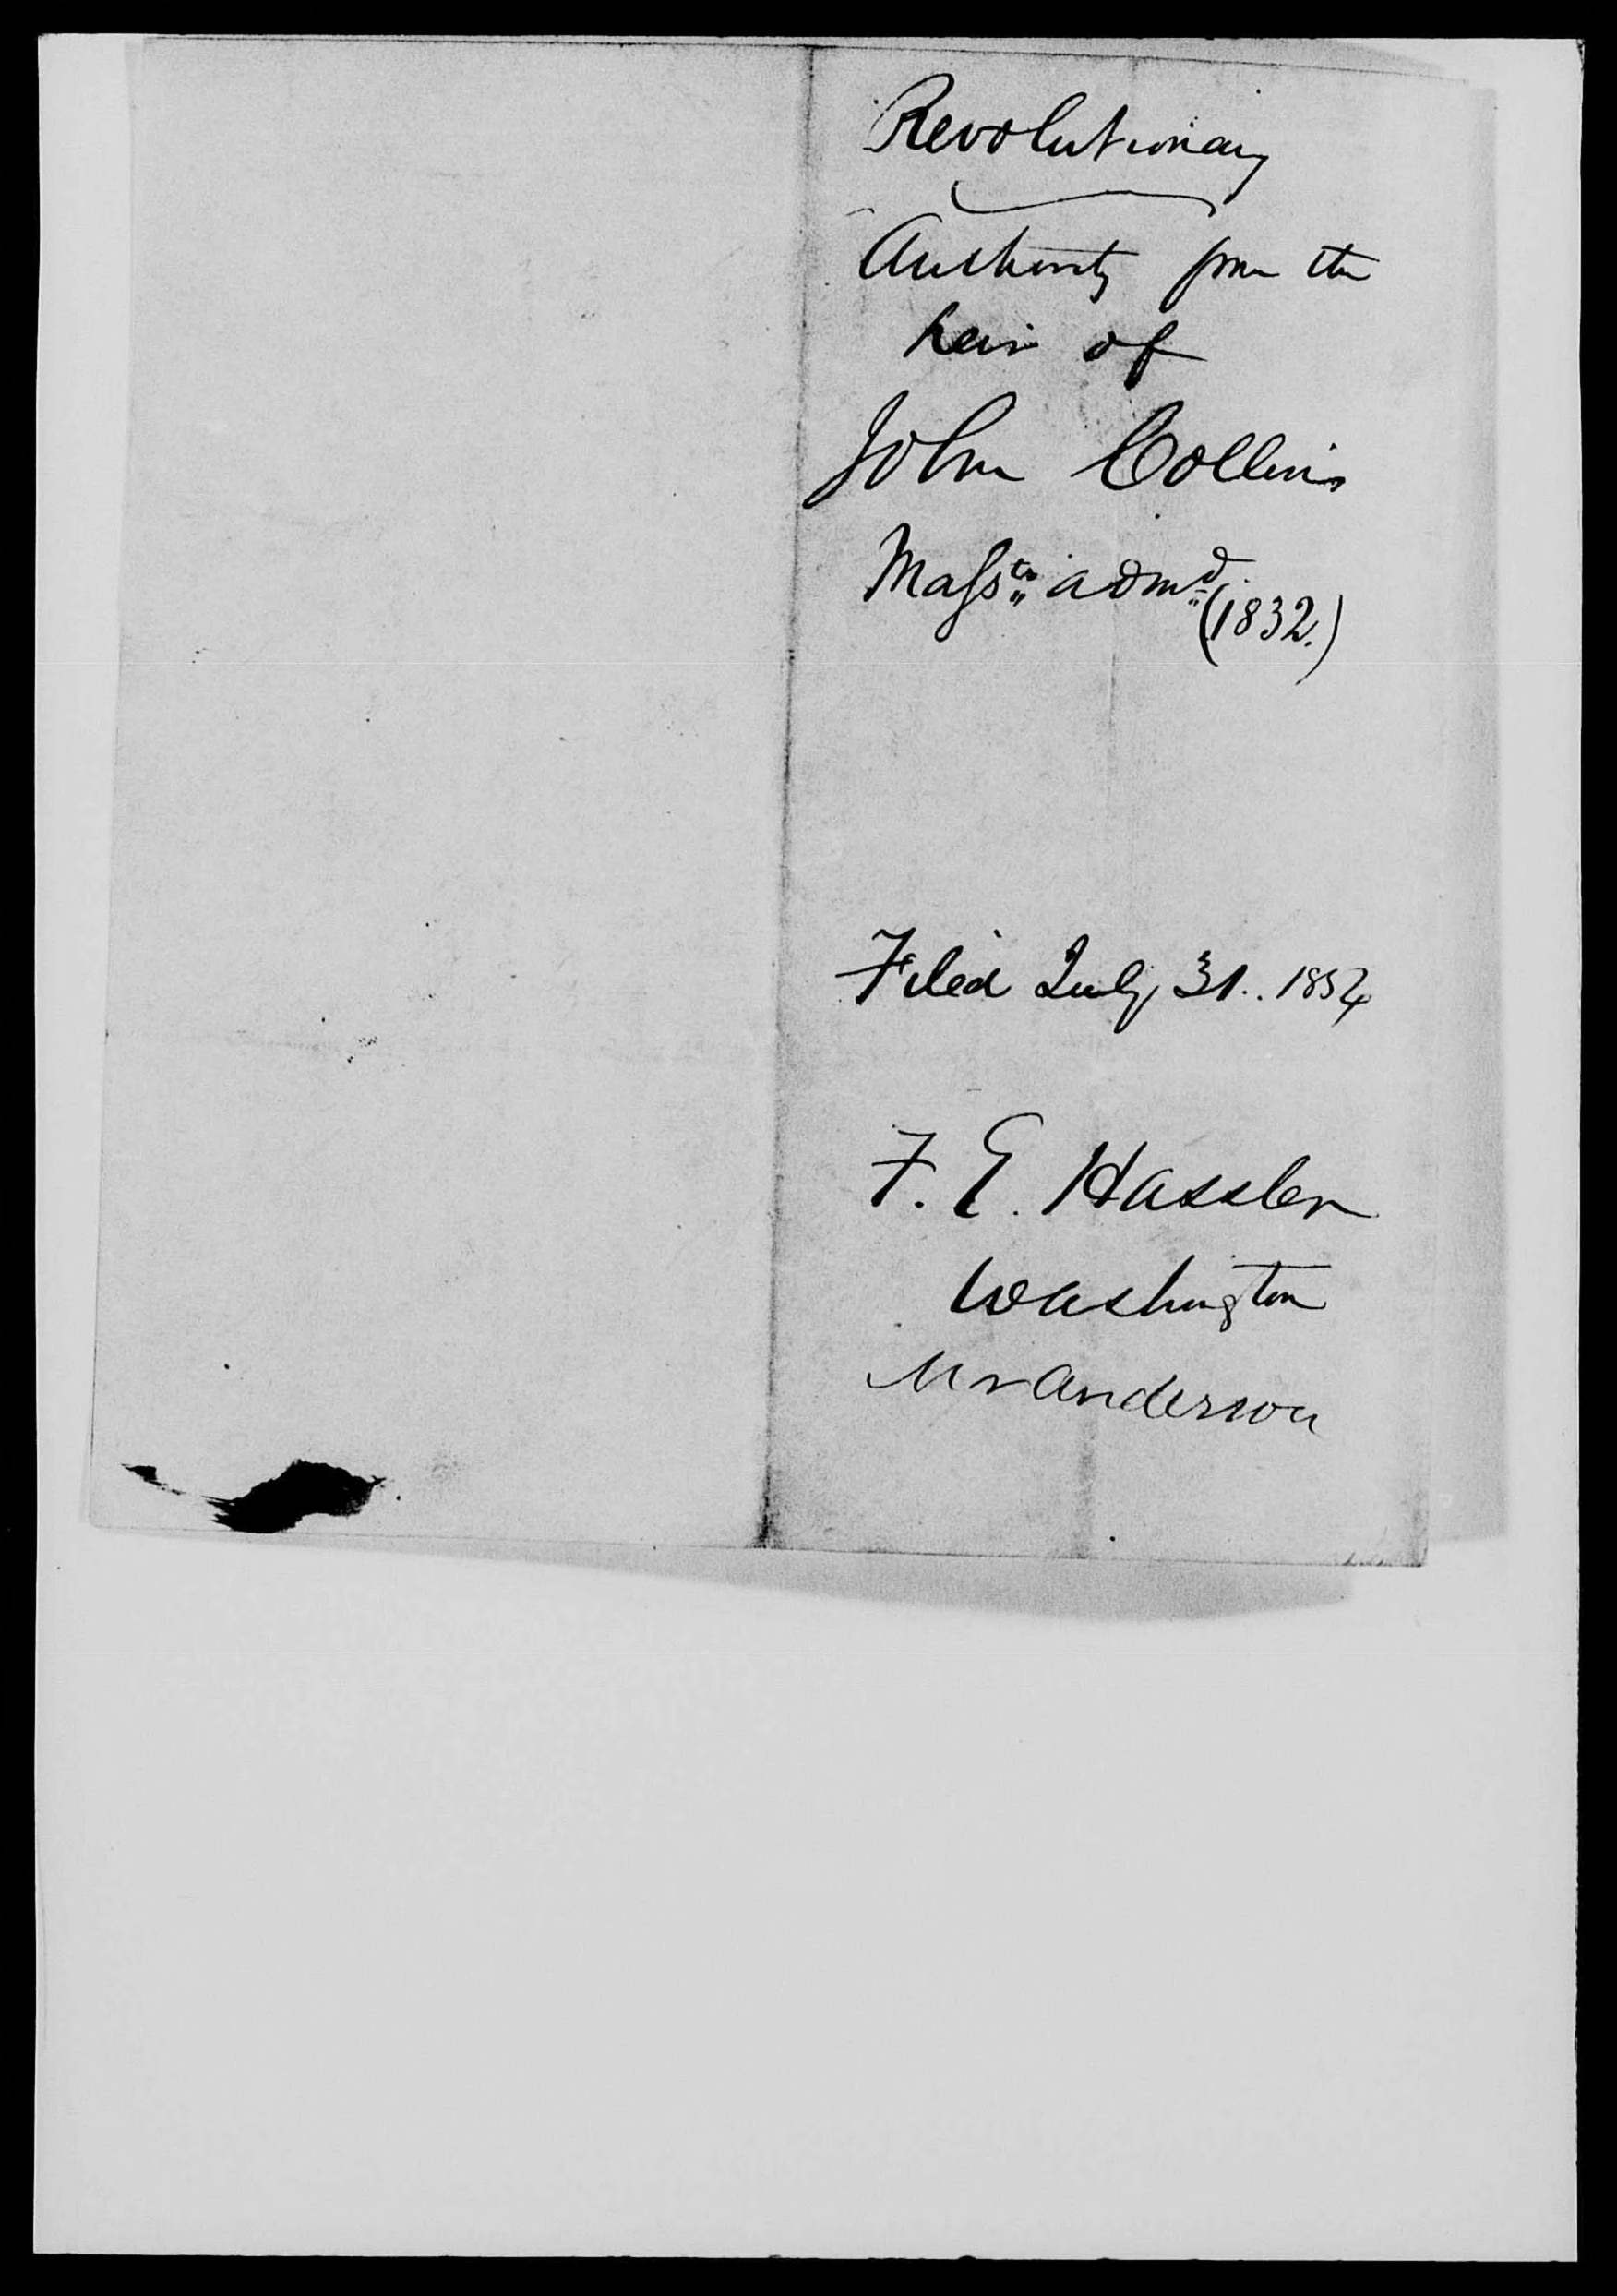Revolutionary 
Authority from the heir of John Collins Mass admd (1832). 

Filed July 31. 1854 
F.E. Hassler Washington Mr Anderson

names: F E Hassler, John Collins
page: 10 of 43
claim: survivor's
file: S. 29,732, John Collins, Mass. Navy